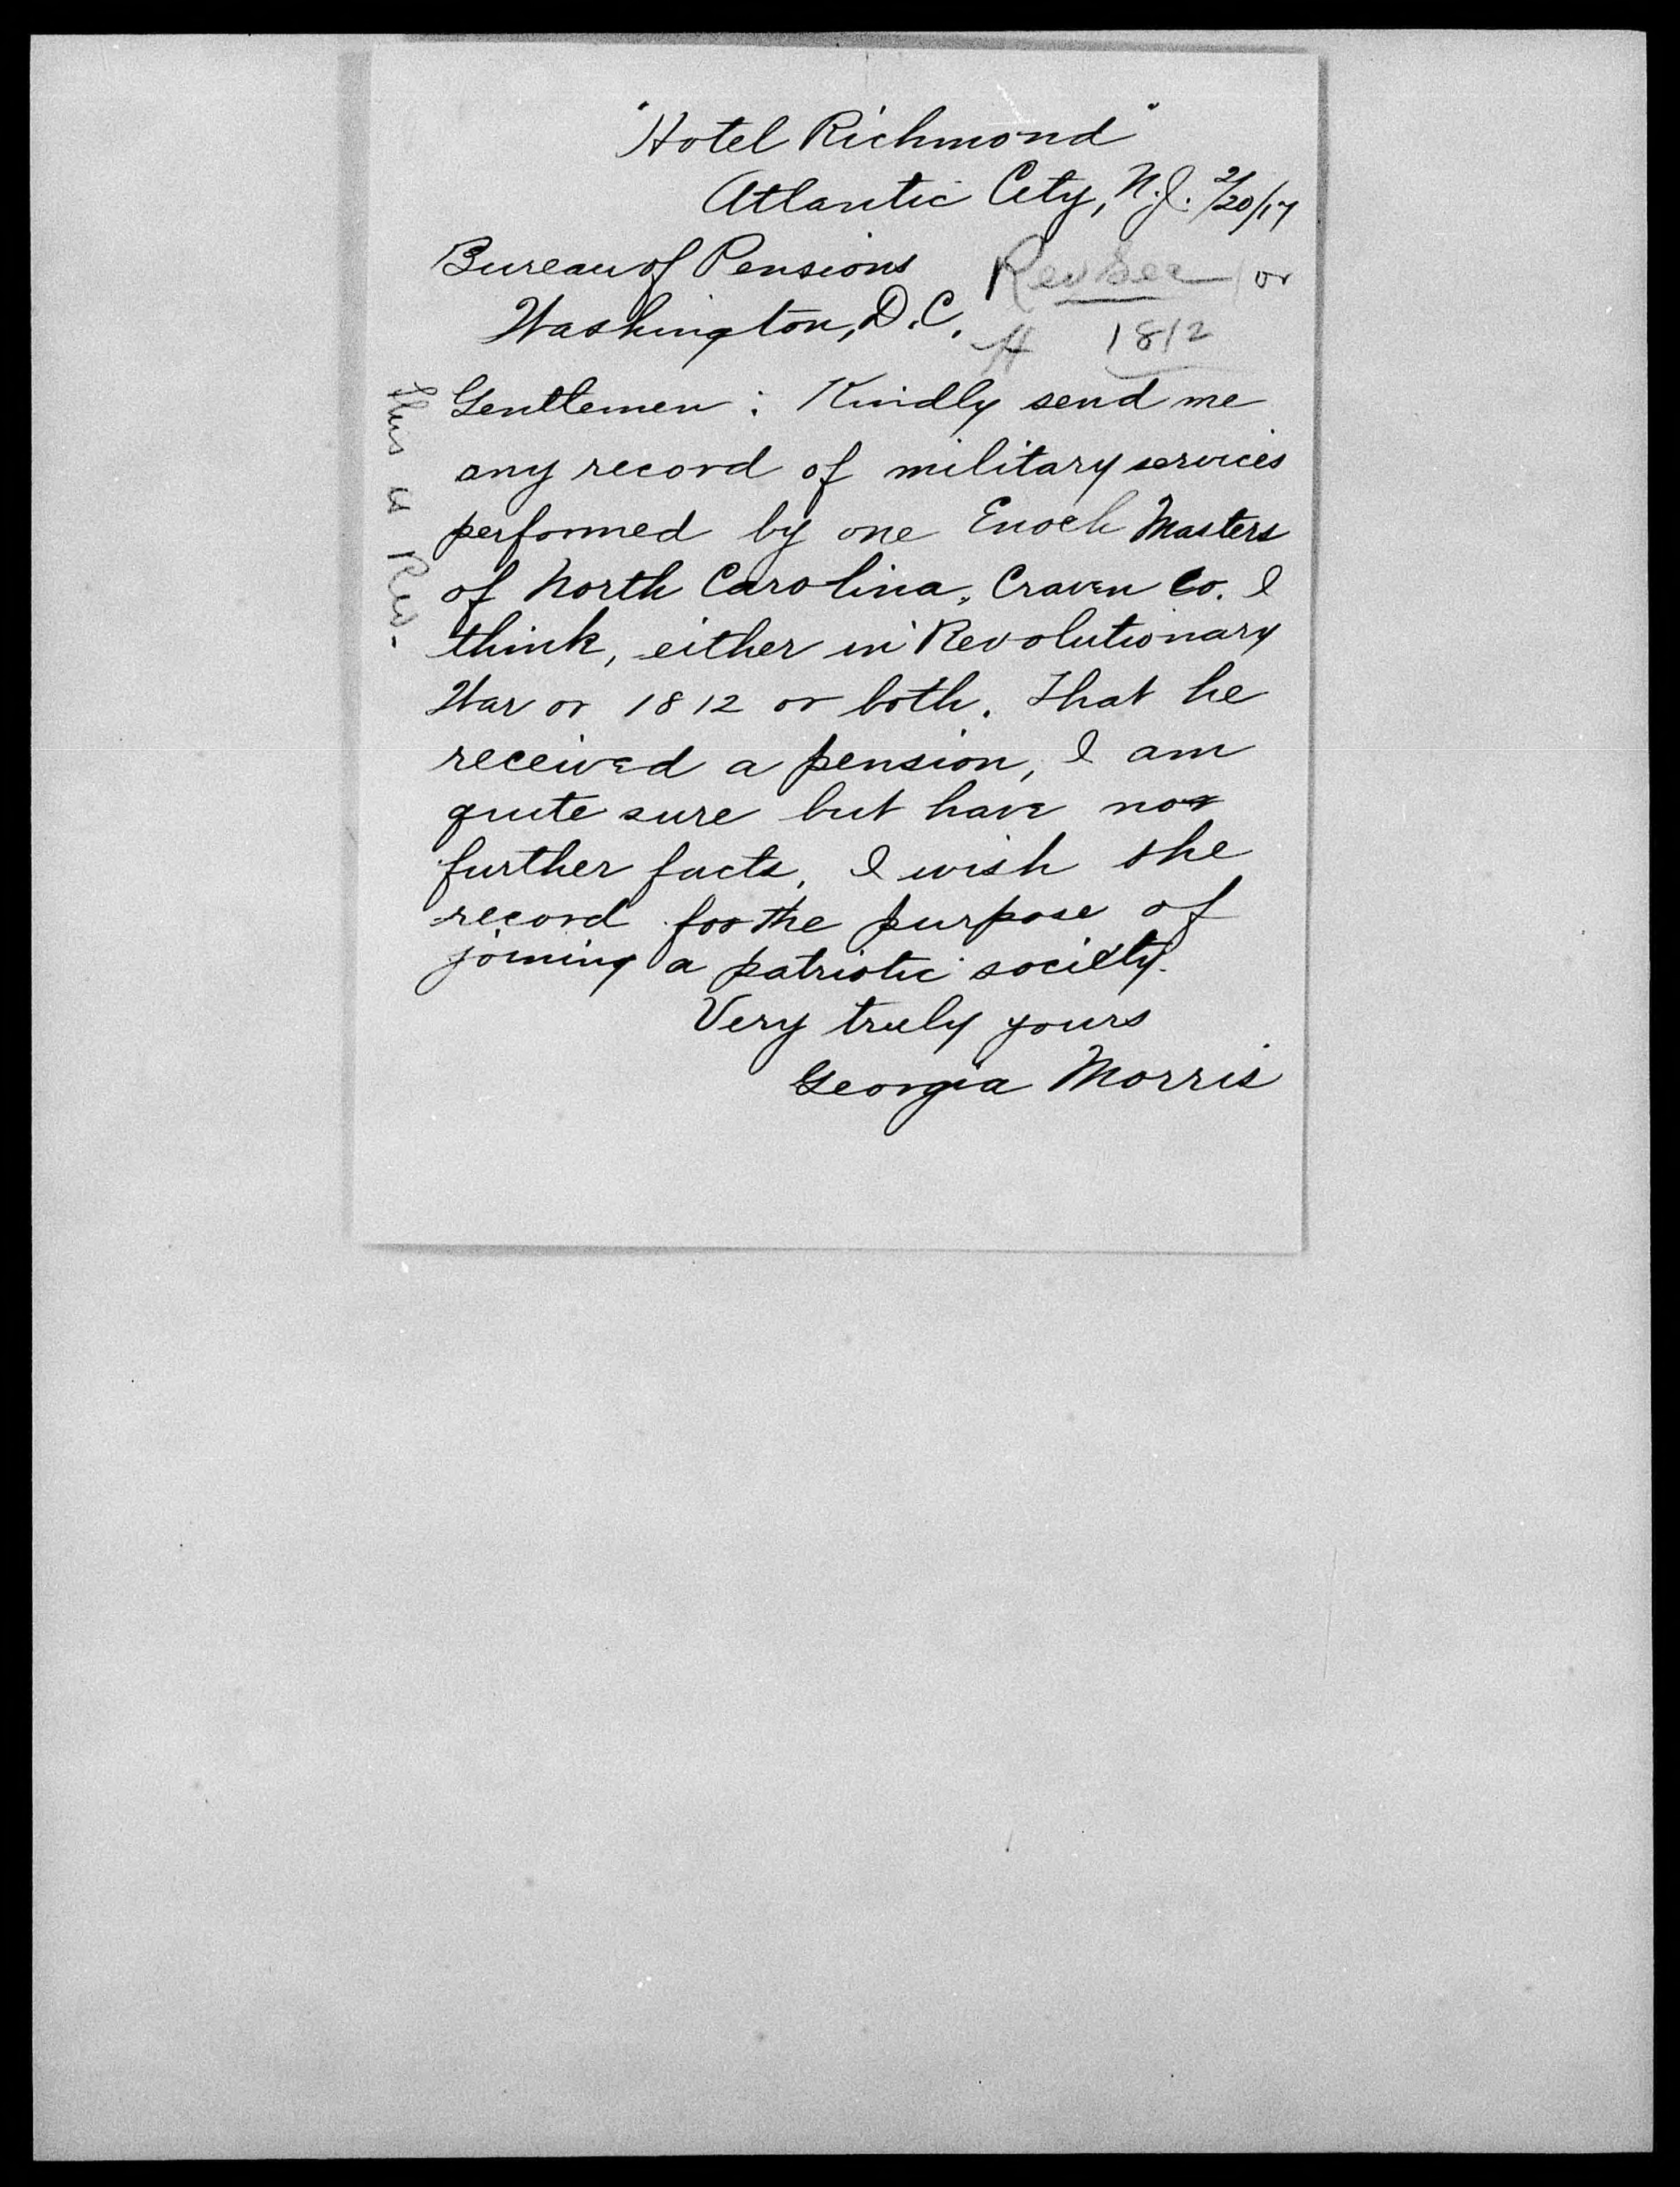Hotel Richmond
Atlantic City, N. J. 2/20/17
Bureau of Pensions [Note says "Rev Ser or H 1812"]
Washington, D.C.

Gentlemen: Kindly send me any record of military services performed by one Enoch Masters of North Carolina, Craven Co. I think, either in Revolutionary War or 1812 or both. That he received a pension I am quite sure but have not further facts. I wish the record for the purpose of joining a patriotic society.
Very truly yours
Georgia Morris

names: Georgia Morris; Enoch Masters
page: 10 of 15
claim: survivor's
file: S. 2749, for Enoch Masters, North Carolina